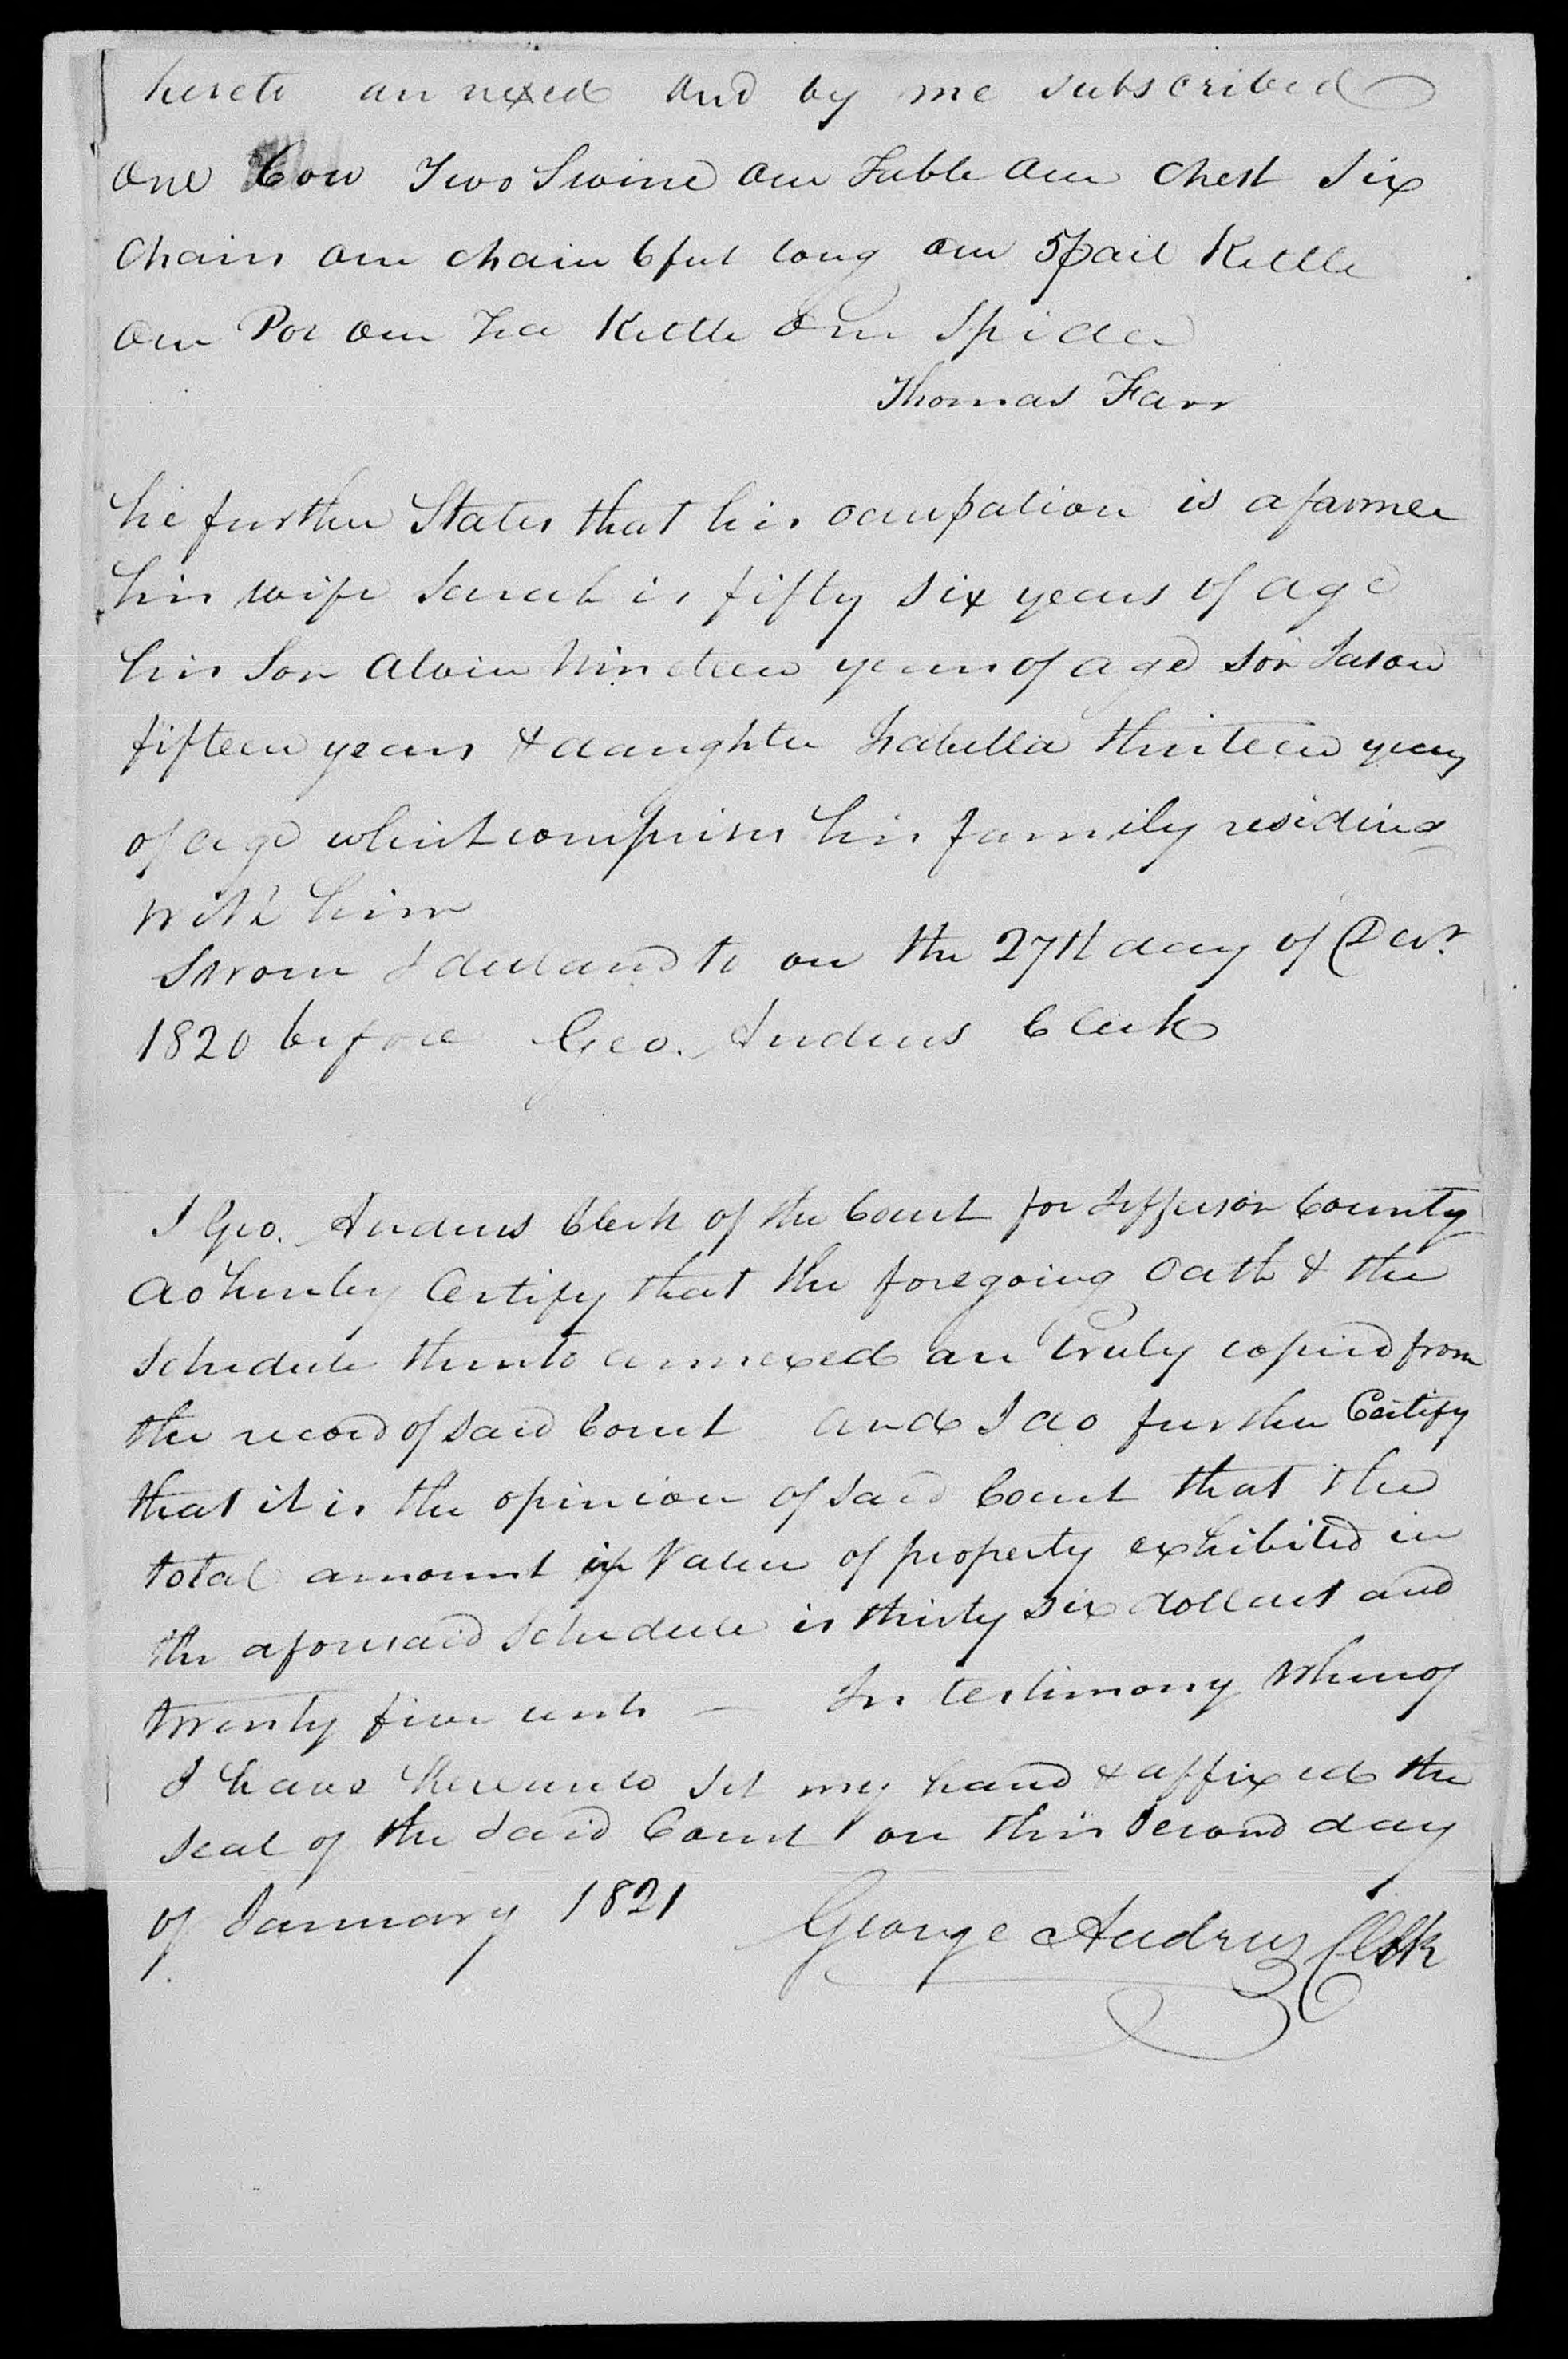hereto annexed and by me subscribed One Cow Two Swine one Table one chest six chairs one chair 6 feet long one [50] oil kettle one [Por] one Tea Kettle one Spider
Thomas Farr
he further States that his occupation is a farmer his wife Sarah is fifty six years of age his Son Alvin nineteen years of age Son Jason fifteen years & daughter Isabella thirteen years of age which comprises his family residing with him
Sworn & declared to on the 27th day of Decr. [Dec.] 1820 before Geo. Andrus Clerk
I Geo. Andurs [Andrus] Clerk of the Court for Jefferson County do hereby Certify that the foregoing oath & the Schedule thereto annexed are truly copied from the record of said Court and I do further Certify that it is the opinion of said Court that the total amount in Value of property exhibited in the aforesaid Schedule is thirty six dollars and twenty five cents - In testimony thereof I have hereunto Set my hand & affixed the Seal of the said Court on this Second day of January 1821
George Audrus [Andrus] Clerk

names: George Andrus, Thomas Farr, Susan, Sarah, Isabella, Geo Andrus, Geo Andrus, Alvin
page: 6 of 46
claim: widow's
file: W. 23022, Thomas Farr, N.H.